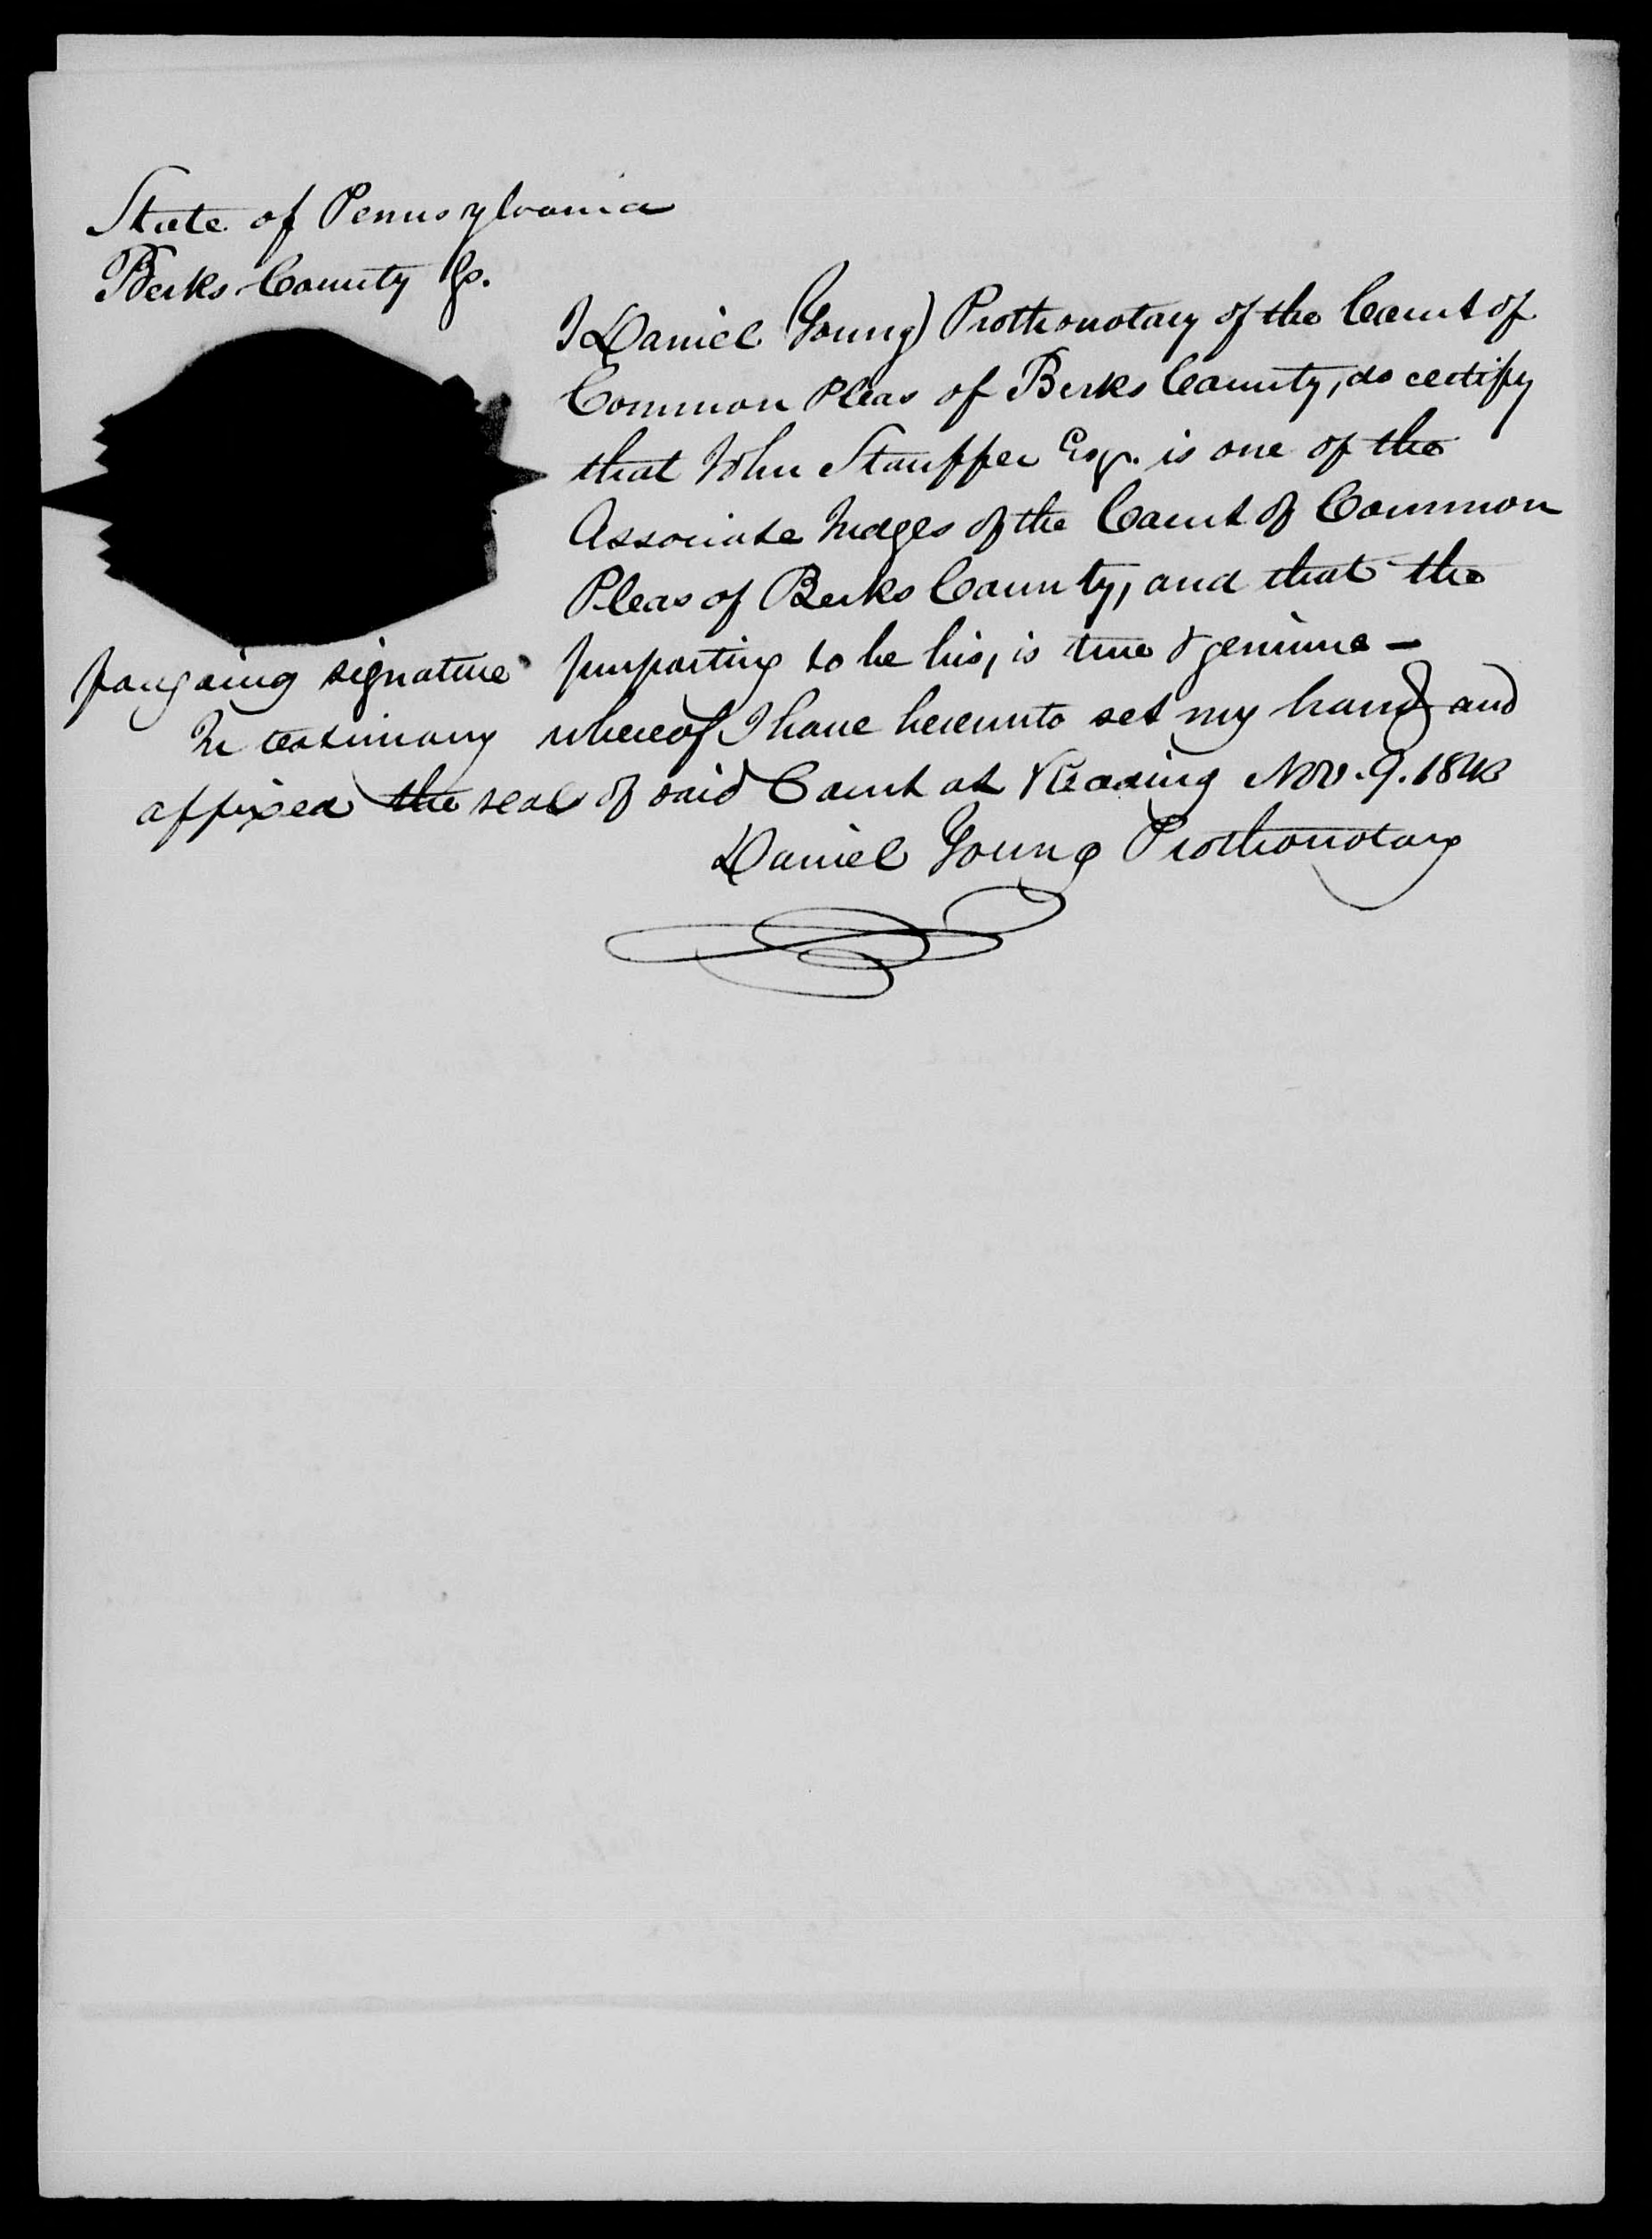State of Pennsylvania
Berks County SS
[seal applied] | I Daniel Young Prothonotary of the Court of
 | Common Pleas of Berks County, do certify
 | that John Stauffer Esq is one of the
 | Associate Judges of the Court of Common
 | Pleas of Berks County, and that the
[illegible] signature imparting to be his, is true & genuine.
In testimony whereof I have hereunto set my hand and
affixed the seal of said Court as Pleading Nov 9 1843
Daniel Young Prothonotary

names: Daniel Young, John Stauffer, Daniel Young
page: 29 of 29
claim: widow's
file: W. 2,789, George Hartman, New Jersey